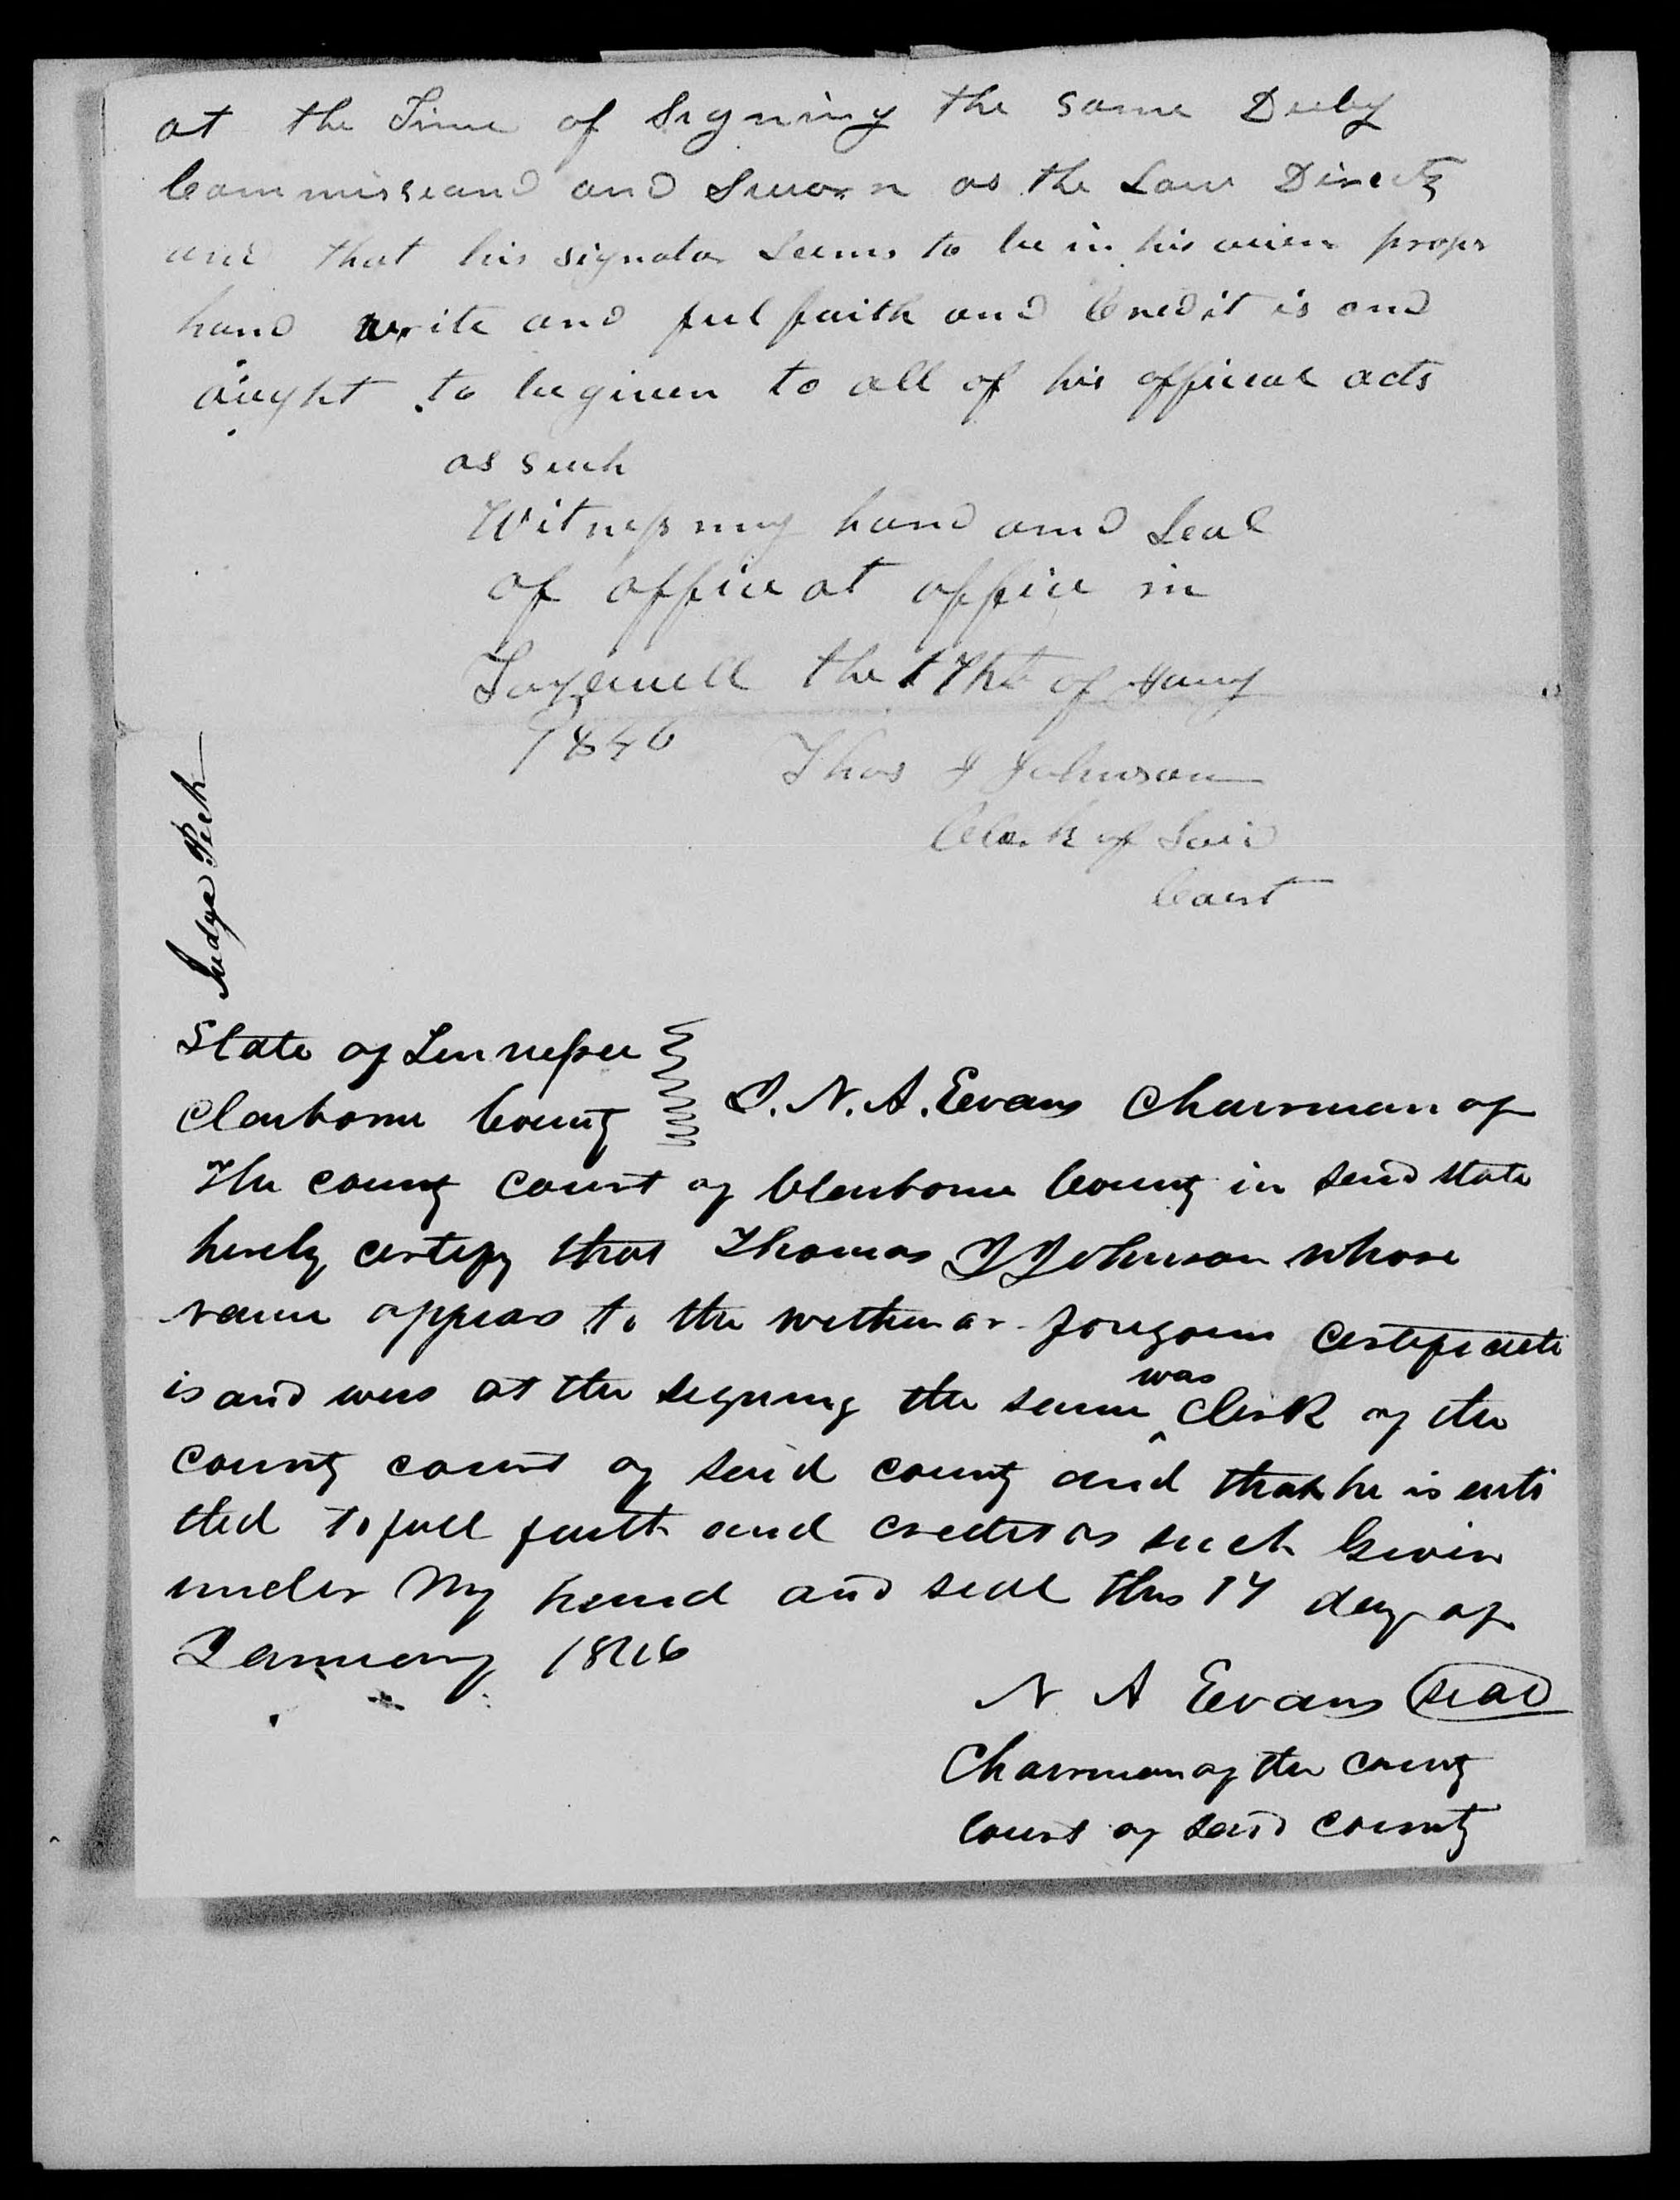at the Time of Signing the same Duly
Commissioned and Sworn as the Law Directs
and that his signature seems to be in his own proper
hand write and full faith and credit is and
ought to be given to all of his official acts
as such
Witness my hand and seal
of office at office in
Tazewell the 17th of Jany
1846
Thos J Johnson
Clerk of Said
Court

[written vertically, left margin]
Judge Peck

State of Tennessee )
Claiborne County   )
I. N.A. Evans Chairman of
the county court of Carbon County in said state
hereby certify that Thomas J Johnson whose
name appears to the within or foregoing certificate
is and was at the signing the same was clerk of the
county court of said county and that he is enti
tled to full faith and credit as such Given
under my hand and seal this 17 day of
January
1846
N A Evans (seal)
Chairman of the county
court of said county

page: 83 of 120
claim: widow's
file: W. 1044, for Salathiel Martin, North Carolina